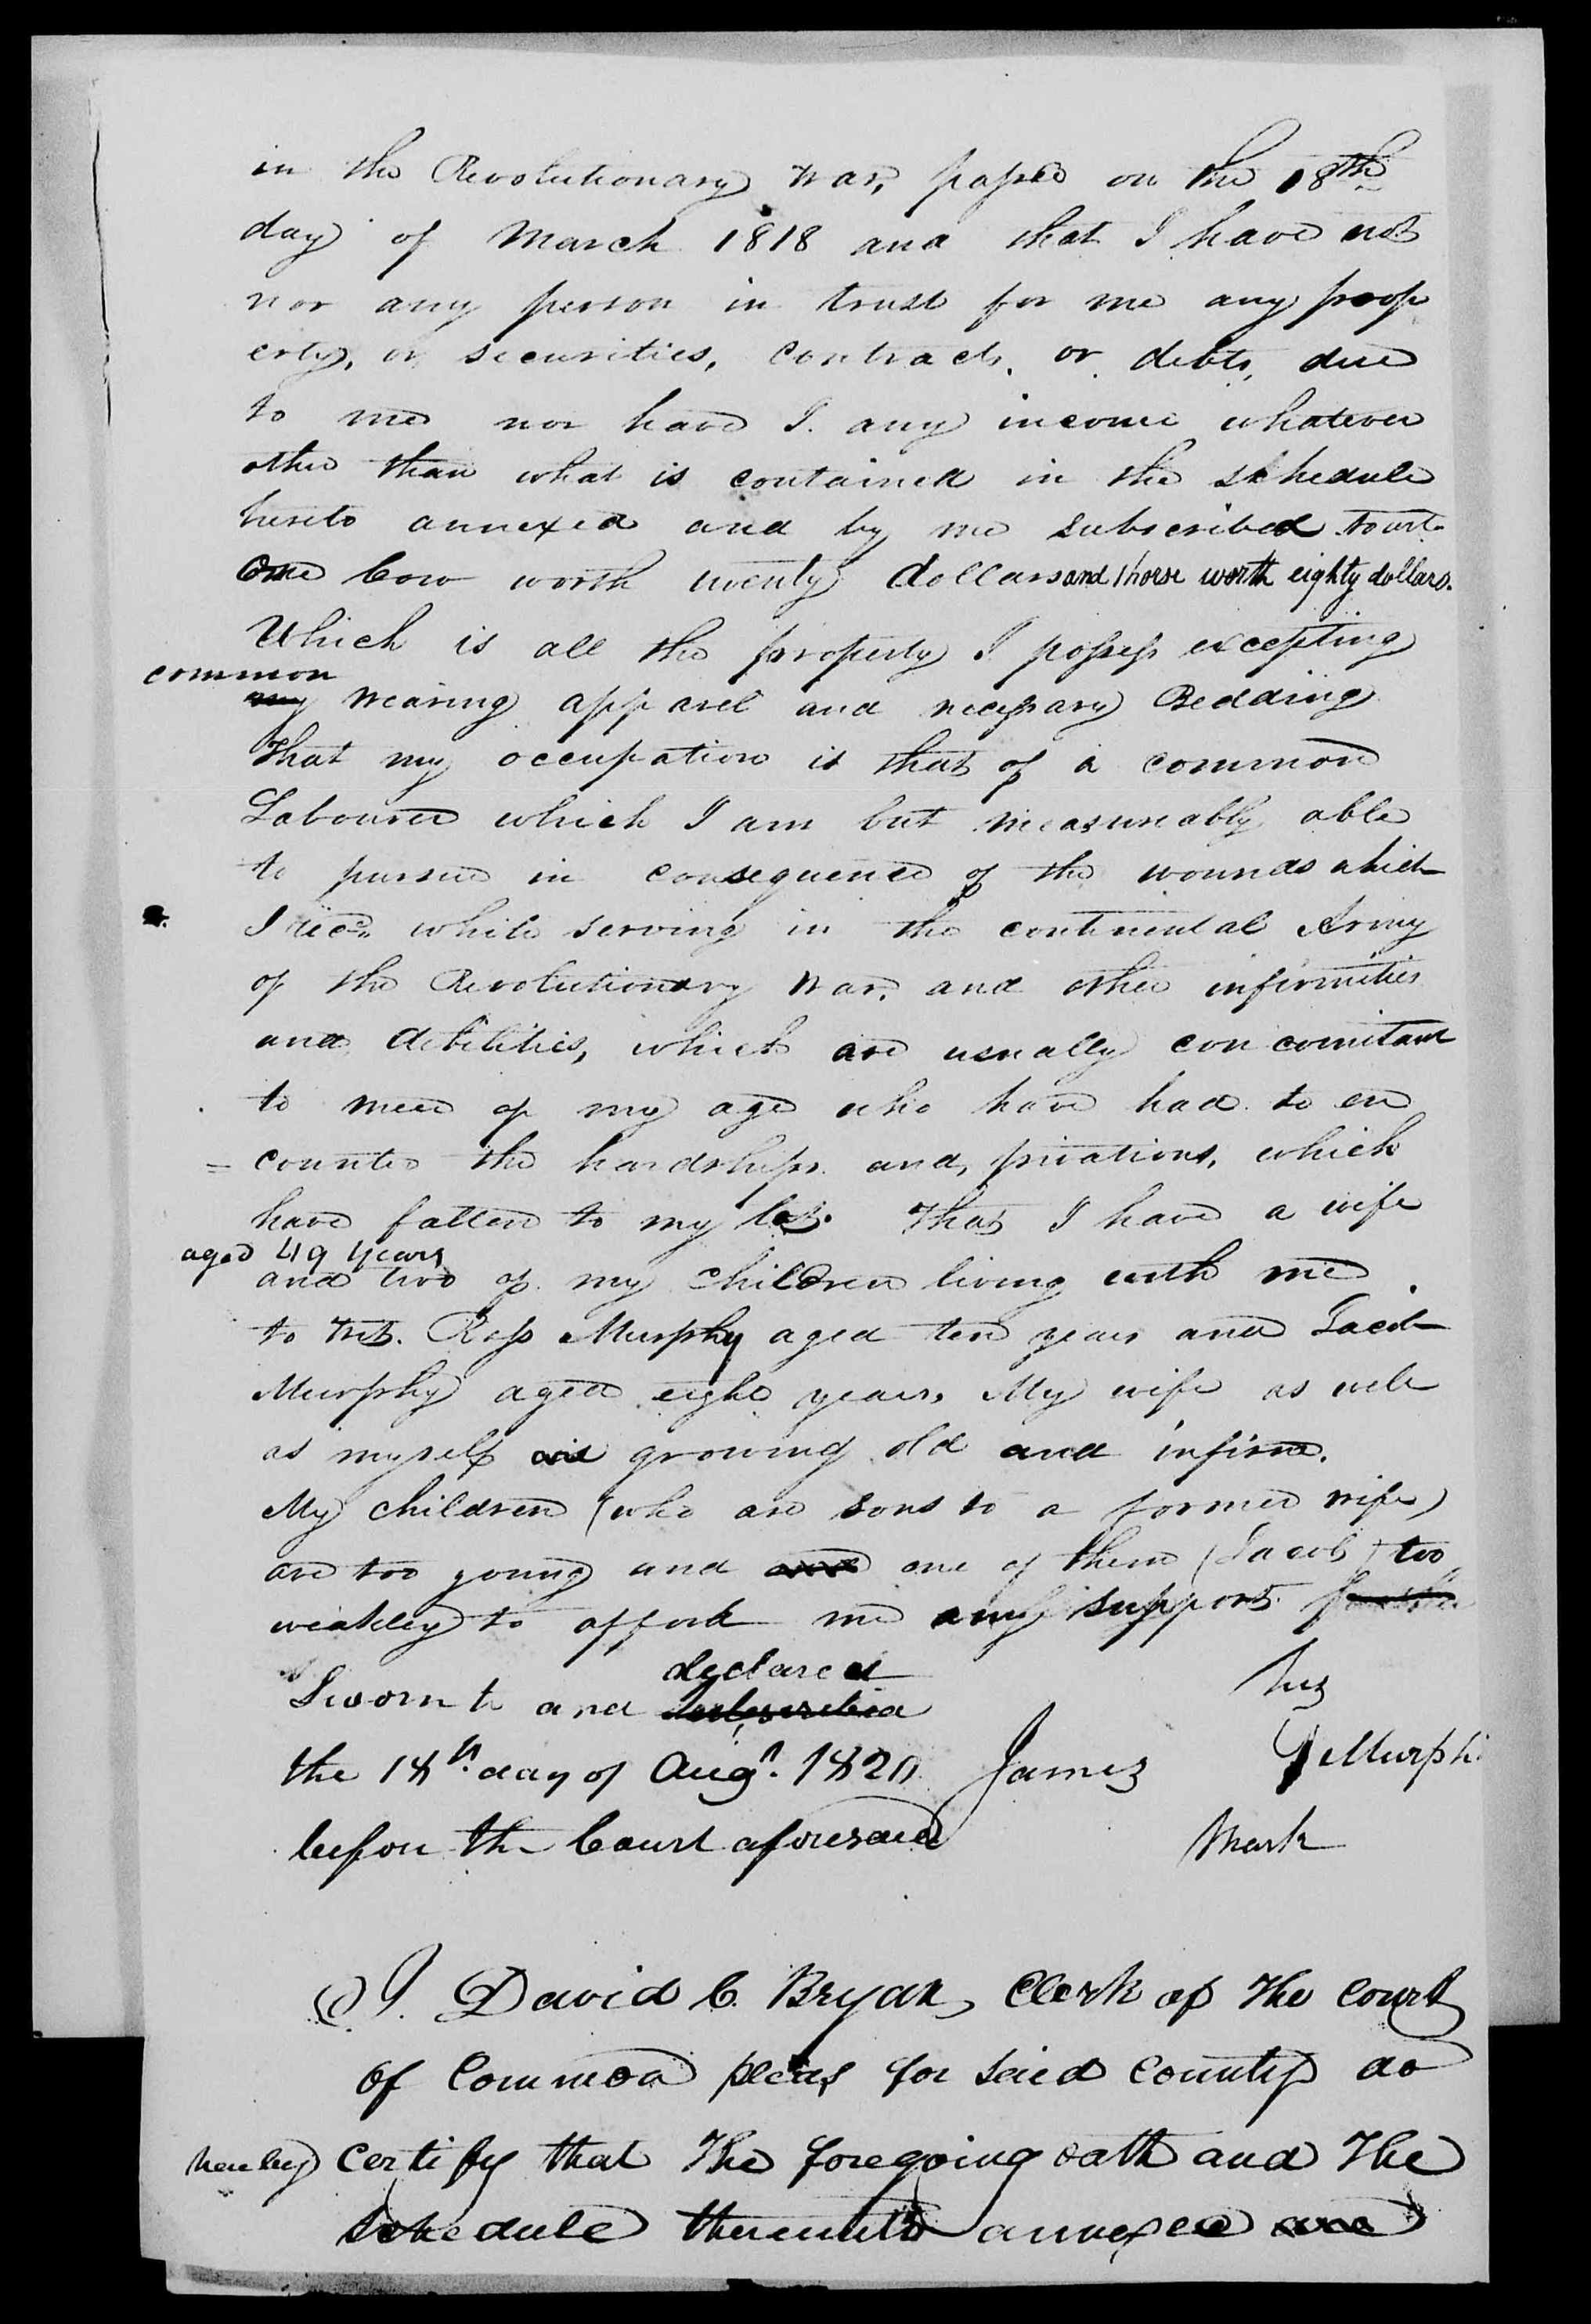in the Revolutionary War, passed on the 18th
day of March 1818 and that I have not
nor any person in trust for me any property, 
or securities, contracts or debts due
to me nor have I any income whatever
other than what is contained in the schedule
hereto annexed and by me subscribed to wit
One Cow worth twenty dollars and 1 horse worth eighty dollars.
Which is all the property I possess excepting
common wearing apparel and necessary Bedding
That my occupation is that of a common
Labourer which I am but measureably able
to pursue in consequence of the wounds which
I recd while serving in the continental Army
of the Revolutionary War, and other infirmities
and debilities, which are usually comitant
to men of my age who have had to encounter 
the hardships and, privations, which
have fallen to my lot.  That I have a wife
age 49 years old and tow of  my children living with me
to [   ] Ross Murphy aged ten years and Jacob
Murphy aged eight years, My wife as well
as myself are growing old and infirm
My children (who are sons to a former wife)
are too young and one of them (Jacob) too
weakley to afford me any support. 
Sworn to and declared
the 18th day of Aug 1820
before the Court aforesaid
James Murphy  X his mark

I David C. Bryan, Clerk of the Court
of Common pleas for said County do
(hereby) certify that the foregoing oath and the
Schedule thereunto annexed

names: Ross Murphy; Jacob Murphy; David C Bryan; James G Murph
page: 7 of 57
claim: widow's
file: W. 25,739, for James Murphey, Pennsylvania